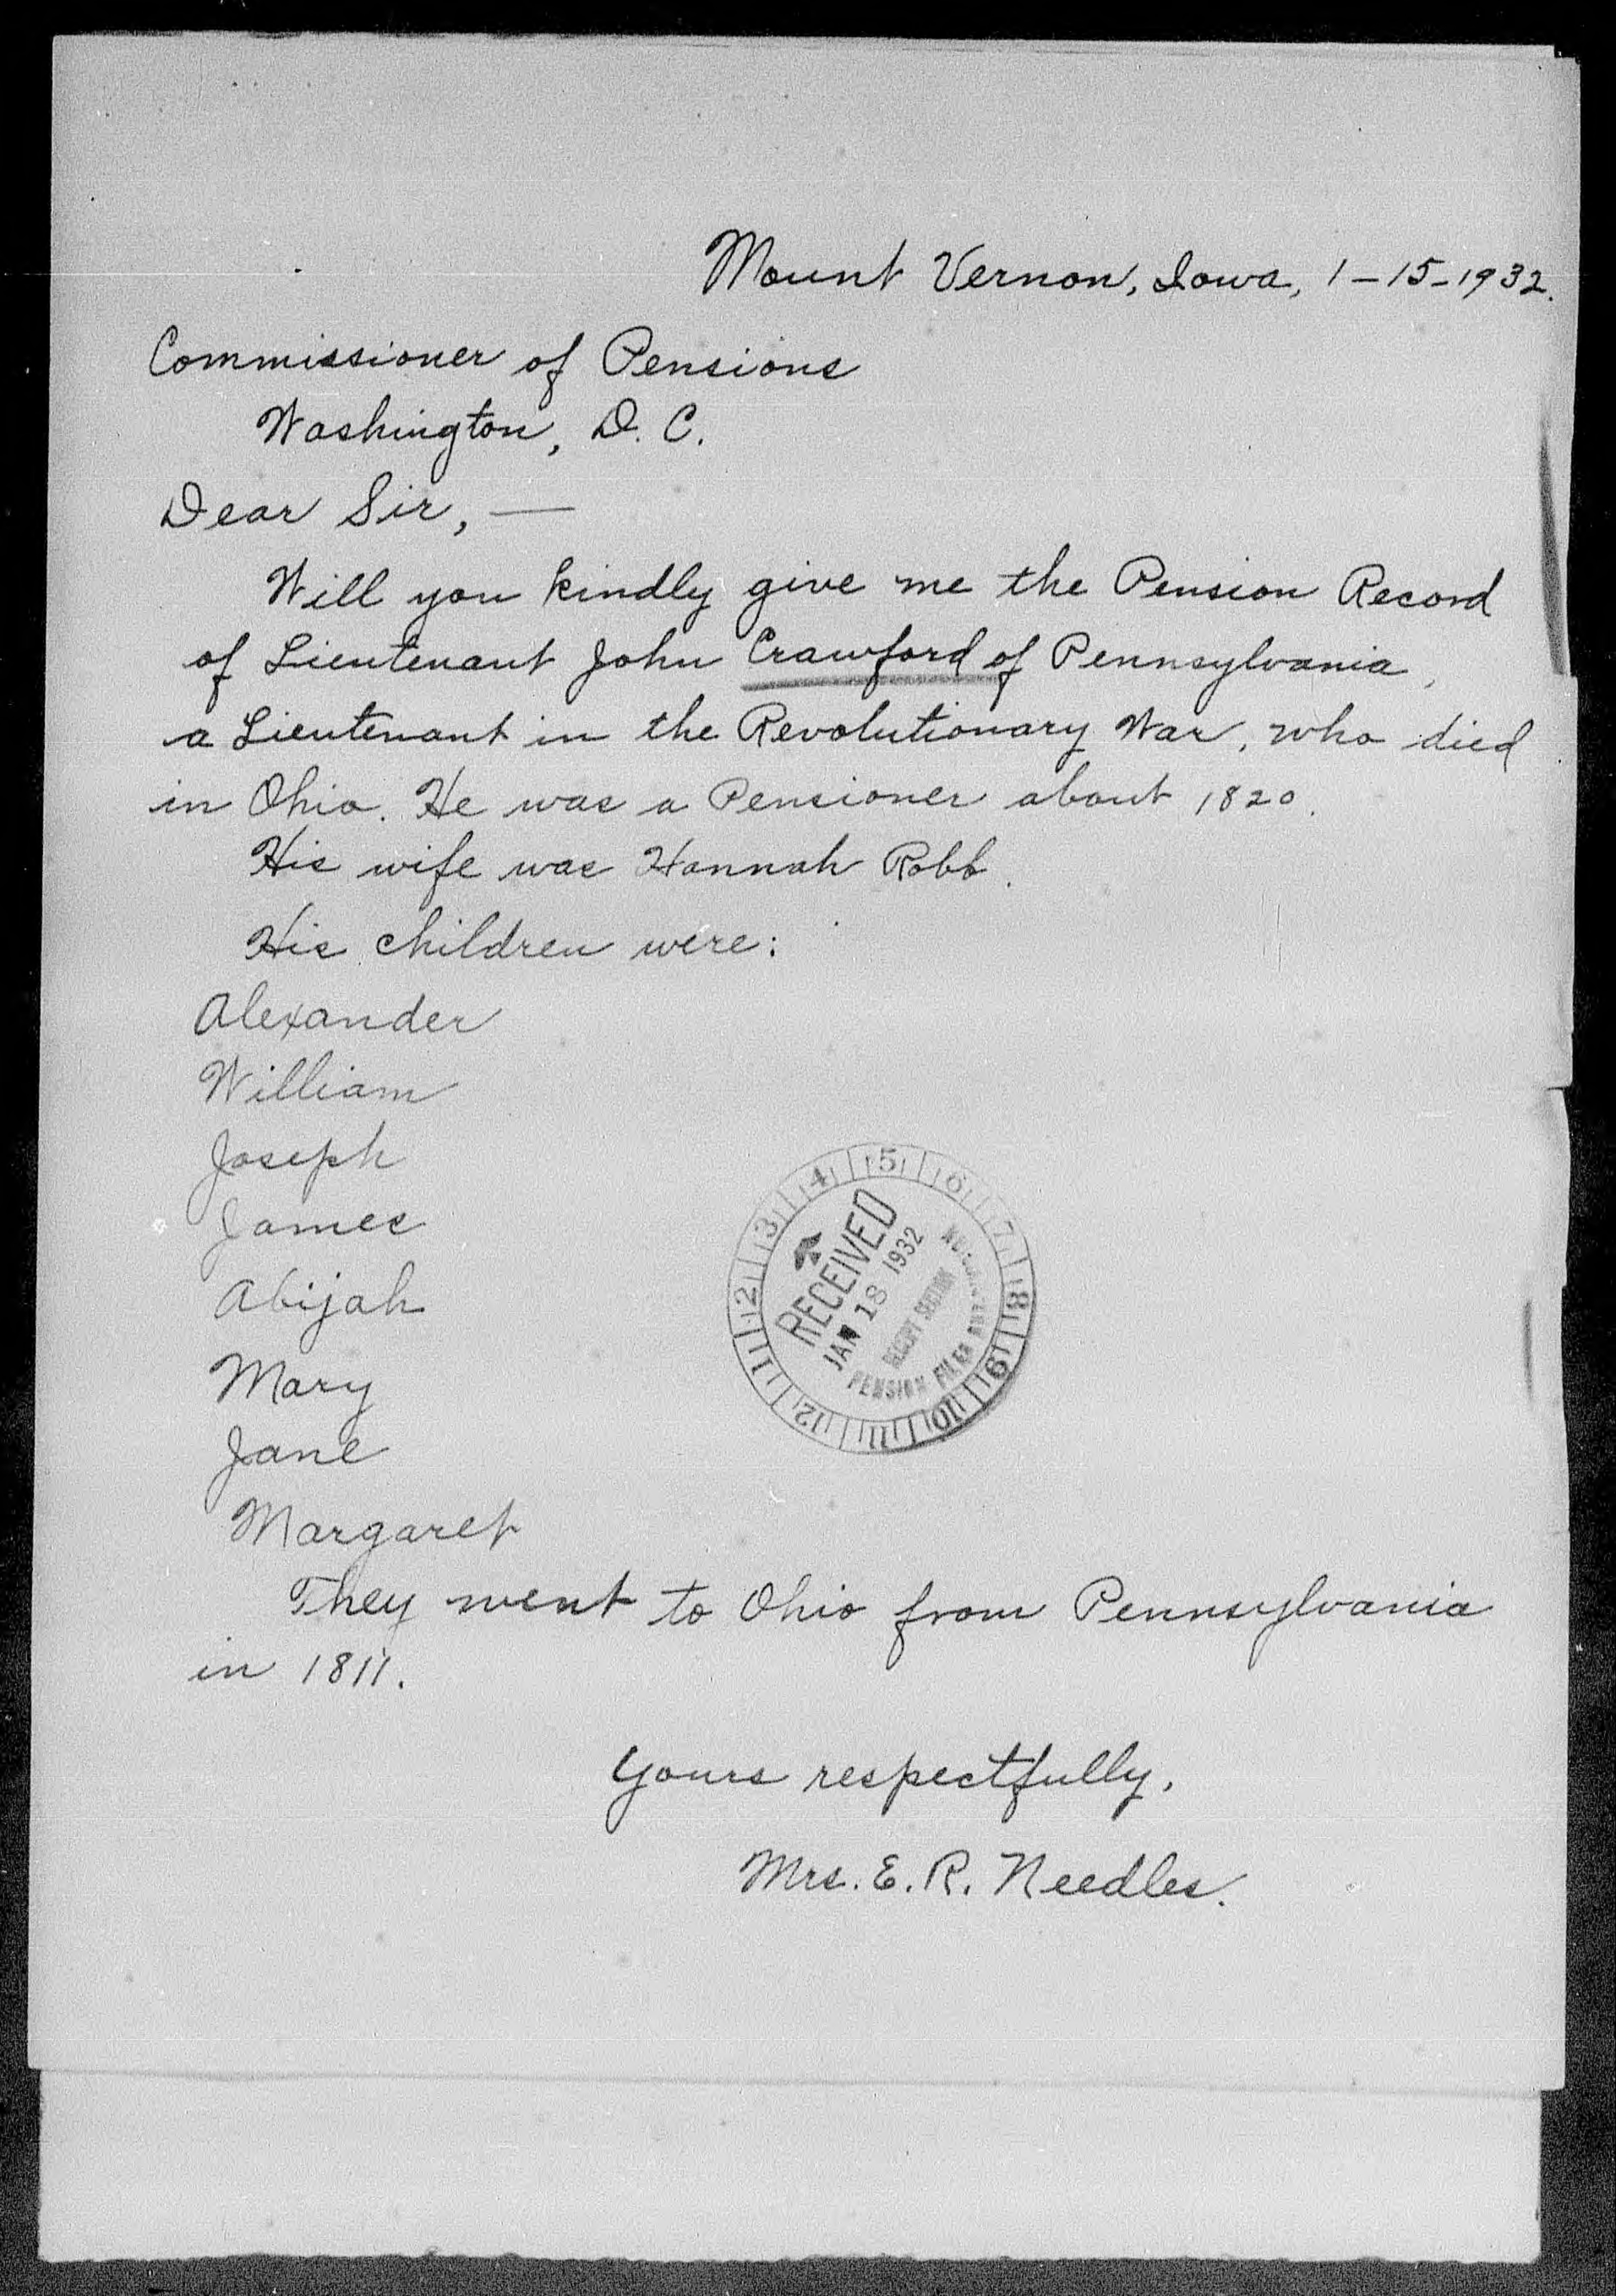Mount Vernon, Iowa, 1-15-1932.
Commissioner of Pensions
Washington, D.C.

Dear Sir
Will you kindly give me the Pension Record of Lieutenant John Crawford of Pennsylvania, a Lieutenant in the Revolutionary War, who died in Ohio. He was a Pensioner about 1820
His wife was Hannah Robb
His children were:
Alexander
William
Joseph
James
Abijah
Mary
Jane
Margaret

They went to Ohio from Pennsylvania in 1811
Yours respectfully,
Mrs. E.R. Needles

[stamp]
RECEIVED
JAN 18, 1832
PENSION FILES [illegible]
,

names: Margaret, E R Needles, Mary, William, Jane, Alexander, Abijah, James, Joseph, John Crawford, Hannah Robb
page: 72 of 80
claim: widow's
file: W 2070, John Crawford, Penn.